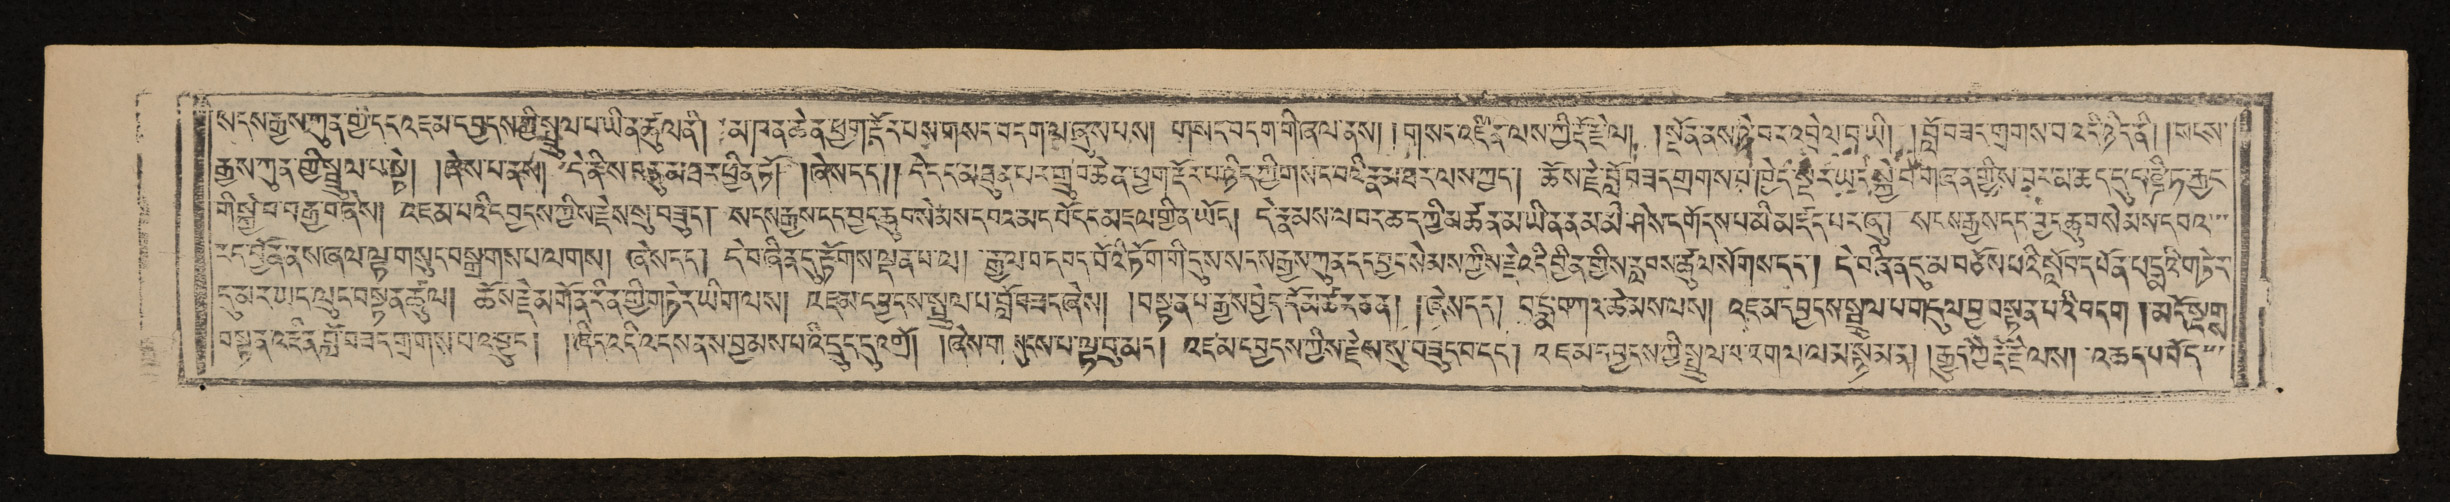སངས་རྒྱས་ཀུན་གྱི་དང་འཇམ་དབྱངས་ཀྱི་སྤྲུལ་པ་ཡིན་ཚུལ་ནི། མཁན་ཆེན་ཕྱག་རྡོར་བས་གསང་བདག་ལ་ཞུས་པས། གསང་བདག་གི་ཞལ་ནས། གསང་འཛིན་ལས་ཀྱི་རྡོ་རྗེ་ལ། །སྔོན་ནས་ཉེ་བར་འབྲེལ་བ་ཡི། །བློ་བཟང་གྲགས་པ་འདི་ཉིད་ནི། །སངས་
རྒྱས་ཀུན་གྱི་སྤྲུལ་པ་སྟེ། །ཞེས་པ་ནས། དེ་ནི་ས་བཅུ་མཐར་ཕྱིན་ཏོ། །ཞེས་དང་། དེ་དང་མཐུན་པར་གྲུབ་ཆེན་ཕྱག་རྡོར་བ་ཉིད་ཀྱི་གསང་བའི་རྣམ་ཐར་ལས་ཀྱང་། ཆོས་རྗེ་བློ་བཟང་གྲགས་པ་ཁྱེད་སྔར་ཡང་སྐྱེ་བ་གཞན་གྱིས་བར་མ་ཆད་དུ་པཎྜི་ཏ་རྐྱང་
གི་སྐྱེ་བ་བརྒྱ་བཞེས། འཇམ་པའི་དབྱངས་ཀྱིས་རྗེས་སུ་བཟུང་། སངས་རྒྱས་དང་བྱང་ཆུབ་སེམས་དཔའ་མང་པོ་དང་མཇལ་གྱིན་ཡོད། དེ་རྣམས་ལ་བར་ཆད་ཀྱི་མཚན་མ་ཡིན་ནམ་མི་ཤེས་དགོངས་པ་མི་མཛད་པར་ཞུ། སངས་རྒྱས་དང་བྱང་ཆུབ་སེམས་དཔའ་
རང་བྱོན་ནས་ཞལ་ལྟ་གསུང་བསྒྲགས་པ་ལགས། ཞེས་དང་། དེ་བཞིན་དུ་རྟོགས་ལྡན་པ་ལ། རྒྱལ་བ་དབང་པོའི་ཏོག་གི་དུས་སངས་རྒྱས་ཀུན་དང་བྱང་སེམས་ཀྱིས་རྗེ་འདི་བྱིན་གྱིས་རླབས་ཚུལ་སོགས་དང་། དེ་བཞིན་དུ་མ་བཅོས་པའི་སློབ་དཔོན་པདམའི་གཏེར་
དུ་མར་ཡང་ལུང་བསྟན་ཚུལ། ཆོས་རྗེ་མགོན་རིན་གྱི་གཏེར་ཡིག་ལས། འཇམ་དབྱངས་སྤྲུལ་པ་བློ་བཟང་ཞེས། །བསྟན་པ་རྒྱས་བྱེད་ངོ་མཚར་ཅན། །ཞེས་དང་། པདམ་བཀའ་ཆེམས་ལས། འཇམ་དབྱངས་སྤྲུལ་པ་གདུལ་བྱ་བསྟན་པའི་བདག །མདོ་སྔགས་
བསྟན་འཛིན་བློ་བཟང་གྲགས་པ་འབྱུང་། །ཞིང་འདི་འདས་ནས་བྱམས་པའི་དྲུང་དུ་འགྲོ། །ཞེས་གསུངས་པ་ལྟ་བུ་མང་། འཇམ་དབྱངས་ཀྱིས་རྗེས་སུ་བཟུང་བ་དང་། འཇམ་དབྱངས་ཀྱི་སྤྲུལ་པ་འགལ་ལ་མ་སྙམ་ན། རྒྱུད་ཀྱཻ་རྡོ་རྗེ་ལས། འཆད་པ་བོ་ང་